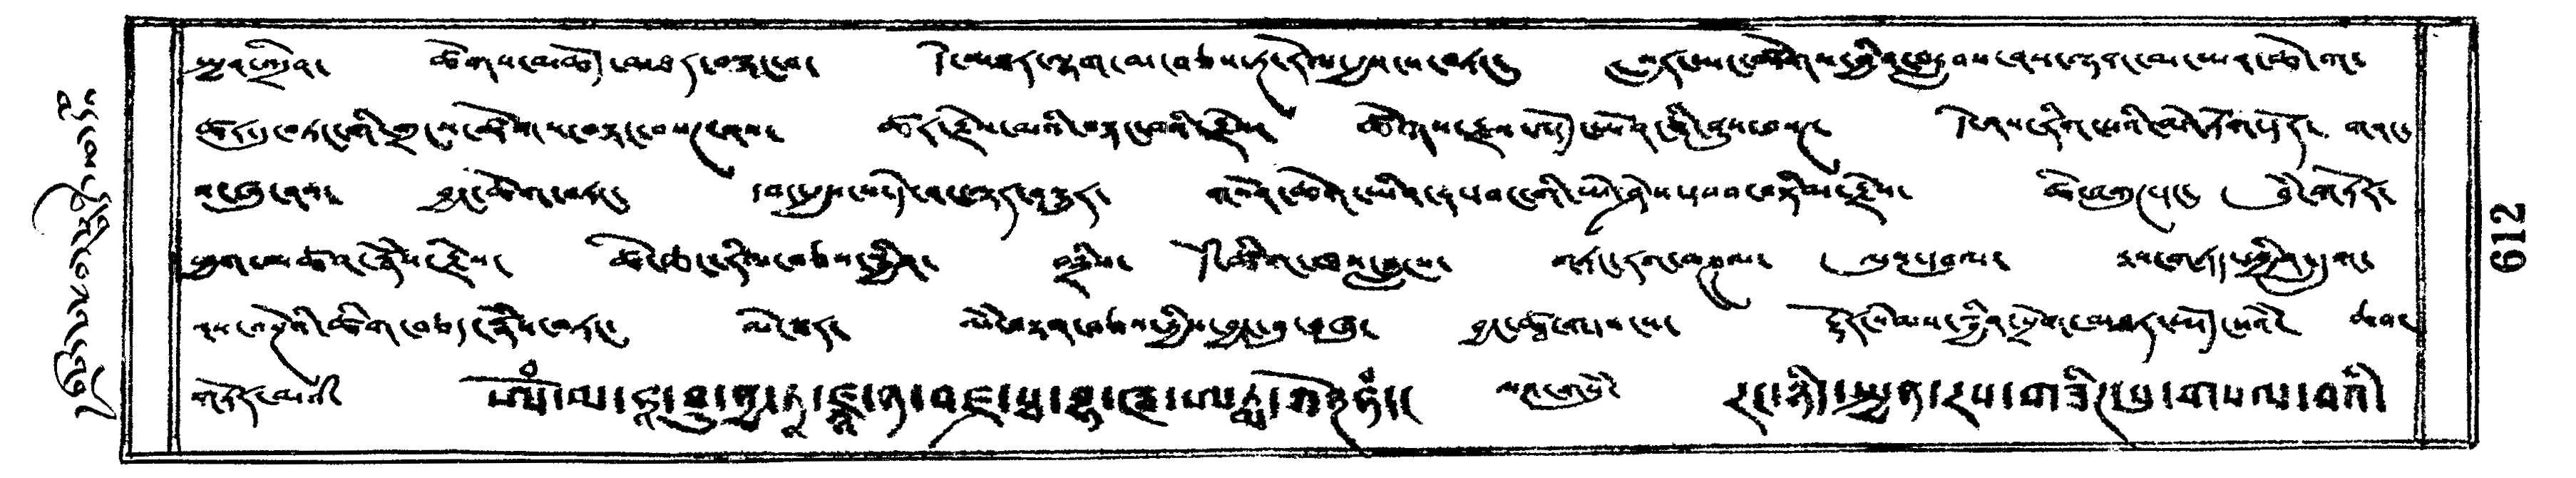སྤྱན་འདྲེན། ཚོགས་མཆོད་མཐར་བསྐང་བ། དེ་མཐར་ལྷག་མ་བཅས་རྔ་རོལ་རྒྱས་པ་གཏང་། སླར་ཡང་ཚོགས་བྱིན་རླབས་ནས་ལྷག་མ་ཡན་ཆོ་ག་
ཚར་དུ་གཏོང་གི་གྲངས་ཚོགས་སྐོང་བསགས་ནས། ཚར་རྗེས་མའི་བསྐང་བའི་རྗེས། ཚོགས་རྫས་འདོད་ཡོན༴ ཅི་ནུས་བསག དེ་ནས་རིག་པའི་མེ་ཏོག་དོར། གནང་
བ་ཞུས་ནས། བྱང་ཆོག་གཏང་། དབང་རྒྱས་པ་ད་ནངས་ལྟར་བསྐུར། གསོན་ཆོག་ཡིན་ན་དབང་གི་ཡེ་ཤེས་དབབ་བསྟིམ་རྗེས། ཚེ་འགུགས་དང་། བུམ་གཏོར་
ཕྱག་མཚན་རྣམས་རྗེས། ཚེ་ཆང་ཚེ་རིལ་བཅས་སྦྱིན། བཀྲ་ཤིས། དམ་ཚིག་ཁས་བླངས། གཏང་རག་མཎྜལ། ལུས་དབུལ། ཟས་གཏད་ཕྱིན་དྲུག་
ཟས་བསྔོའི་ཚིགས་བཅད་རྣམས་གཏང་། མེ་སྦར། ལམ་བསྟན་བཅས་ཀྱིས་བྱང་བུ་བཞུ། བྱང་ཚྭ་གདབ་པ་རྡོར་སེམས་སྦྱིན་སྲེག་མཐར་ཡོད་པའམ། ཆབ་
གཏོར་མའི། ཨོཾ་མ་ཧཱ་ཤུ་ནྱ་ཏཱ་ཛྙ་ན་བཛྲ་སྭ་བྷ་ཝ་ཨཏྨ་ཀོ྅་ཧཾ། ལན་གསུམ། རང་ཉིད་སྤྱན་རས་གཟིགས་སུ་གསལ་བའི་